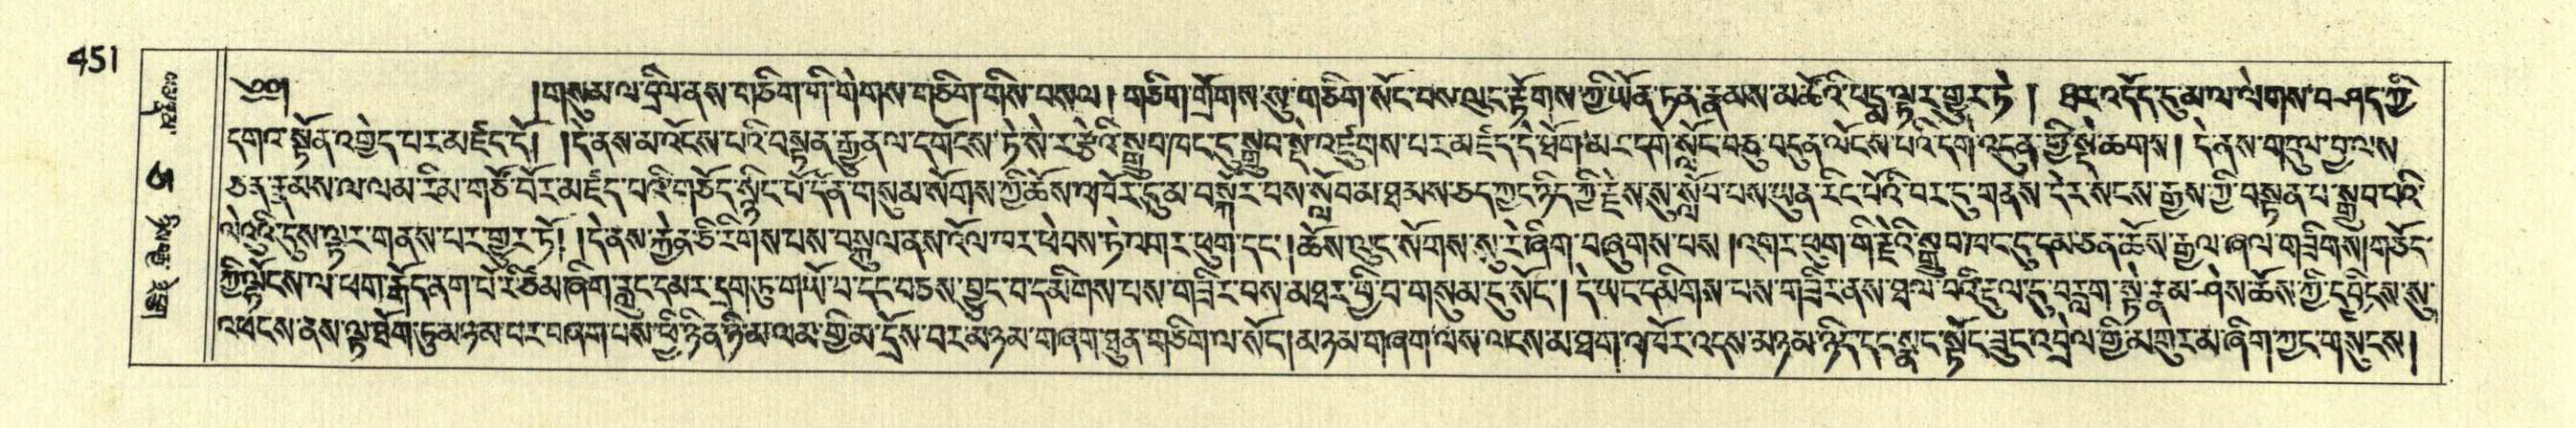༄༅། །གསུམ་ལ་དྲིལ་ནས་གཅིག་གི་གེགས་གཅིག་གིས་བསལ། གཅིག་གྲོགས་སུ་གཅིག་སོང་བས་ལུང་རྟོགས་ཀྱི་ཡོན་ཏན་རྣམས་མཚོའི་པདམ་ལྟར་གྱུར་ཏེ། ཐར་འདོད་དུ་མ་ལ་ལེགས་བཤད་ཀྱི་
དགའ་སྟོན་འགྱེད་པར་མཛད་དོ། །དེ་ནས་མ་འོངས་པའི་བསྟན་རྒྱུན་ལ་དགོངས་ཏེ་སེར་རེ་རྩེའི་སྒྲུབ་ཁང་དུ་སྒྲུབ་སྡེ་འཛུགས་པར་མཛད་དེ་ཐོག་མར་དགེ་སློང་བཅུ་བདུན་ལོངས་པའི་དགེ་འདུན་གྱི་སྡེ་ཆགས། དེ་ནས་གདུལ་བྱ་ལས་
ཅན་རྣམས་ལ་ལམ་རིམ་གཙོ་བོར་མཛད་པའི་གཅོད་སྙིང་པོ་དོན་གསུམ་སོགས་ཀྱི་ཆོས་འཁོར་དུ་མ་བསྐོར་བས་སློབ་མ་ཐམས་ཅད་ཀྱང་ཉིད་ཀྱི་རྗེས་སུ་སློབ་པས་ཡུན་རིང་པོའི་བར་དུ་གནས་དེར་སངས་རྒྱས་ཀྱི་བསྟན་པ་སྒྲུབ་པའི་
ལེའུའི་དུས་ལྟར་གནས་པར་གྱུར་ཏོ། །དེ་ནས་རྐྱེན་ཅི་རིགས་པས་བསྐུལ་ནས་འོལ་ཁར་ཕེབས་ཏེ་འགར་ཕུག་དང་། ཆོས་ལུང་སོགས་སུ་རེ་ཞིག་བཞུགས་པས། འགར་ཕུག་གི་རྗེའི་སྒྲུབ་ཁང་དུ་དམ་ཅན་ཆོས་རྒྱལ་ཞལ་གཟིགས། གཅོད་
ཀྱི་ལྷོངས་ལ་ཕག་རྒོད་ནག་པོ་ར་ཙིམ་ཞིག་རླུང་དམར་དྲག་ཏུ་གཡོ་བ་དང་བཅས་བྱུང་བ་དམིགས་པས་གཟིར་བས་མཐར་ཕྱི་བ་གསུམ་དུ་སོང་། དེ་ཡང་དམིགས་པས་གཟིར་ནས་ཐལ་བའི་རྡུལ་དུ་བརླག་སྟེ་རྣམ་ཤེས་ཆོས་ཀྱི་དབྱིངས་སུ་
འཕངས་ནས་ལྟ་ཐོག་ཏུ་མཉམ་པར་བཞག་པས་ཕྱི་ཉིན་ཉི་མ་ལམ་གྱི་མ་དྲོས་པར་མཉམ་གཞག་ཐུན་གཅིག་ལ་སོང་། མཉམ་གཞག་ལས་ལངས་མ་ཐག་འཁོར་འདས་མཉམ་ཉིད་དང་སྣང་སྟོང་ཟུང་འབྲེལ་གྱི་མགུར་མ་ཞིག་ཀྱང་གསུངས།